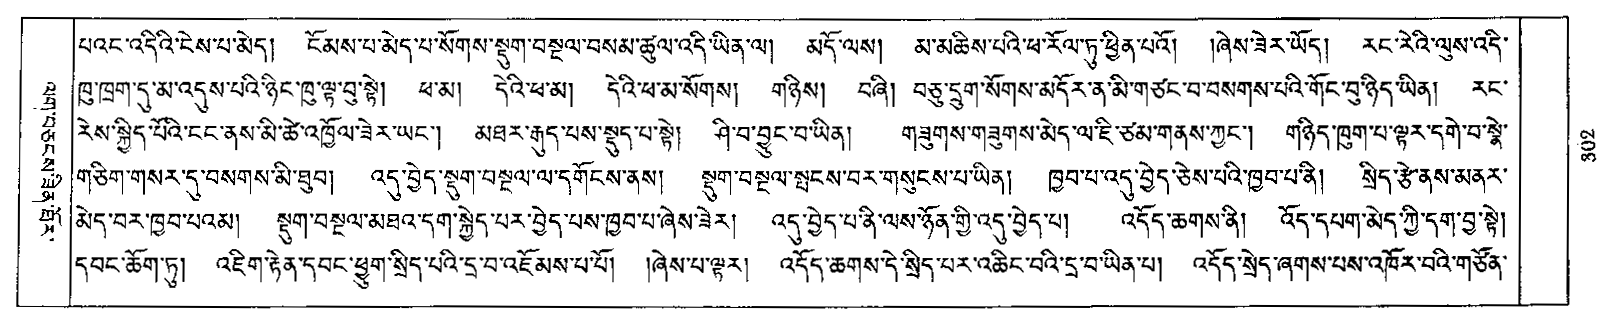པའང་འདིའི་ངེས་པ་མེད། ངོམས་པ་མེད་པ་སོགས་སྡུག་བསྔལ་བསམ་ཚུལ་འདི་ཡིན་ལ། མདོ་ལས། མ་མཆིས་པའི་ཕ་རོལ་ཏུ་ཕྱིན་པའོ། །ཞེས་ཟེར་ཡོད། རང་རེའི་ལུས་འདི་
ཁུ་ཁྲག་དུ་མ་འདུས་པའི་ཉིང་ཁུ་ལྟ་བུ་སྟེ། ཕ་མ། དེའི་ཕ་མ། དེའི་ཕ་མ་སོགས། གཉིས། བཞི། བཅུ་དྲུག་སོགས་མདོར་ན་མི་གཙང་བ་བསགས་པའི་གོང་བུ་ཉིད་ཡིན། རང་
རེས་སྐྱིད་པོའི་ངང་ནས་མི་ཚེ་འཁྱོལ་ཟེར་ཡང་། མཐར་རྒུད་པས་སྡུད་པ་སྟེ། ཤི་བ་བྱུང་བ་ཡིན། གཟུགས་གཟུགས་མེད་ལ་ཇི་ཙམ་གནས་ཀྱང་། གཉིད་ཁུག་པ་ལྟར་དགེ་བ་སྣེ་
གཅིག་གསར་དུ་བསགས་མི་ཐུབ། འདུ་བྱེད་སྡུག་བསྔལ་ལ་དགོངས་ནས། སྡུག་བསྔལ་སྤངས་བར་གསུངས་པ་ཡིན། ཁྱབ་པ་འདུ་བྱེད་ཅེས་པའི་ཁྱབ་པ་ནི། སྲིད་རྩེ་ནས་མནར་
མེད་བར་ཁྱབ་པའམ། སྡུག་བསྔལ་མཐའ་དག་སྐྱེད་པར་བྱེད་པས་ཁྱབ་པ་ཞེས་ཟེར། འདུ་བྱེད་པ་ནི་ལས་ཉོན་གྱི་འདུ་བྱེད་པ། འདོད་ཆགས་ནི། འོད་དཔག་མེད་ཀྱི་དག་བྱ་སྟེ།
དབང་ཆོག་ཏུ། འཇིག་རྟེན་དབང་ཕྱུག་སྲིད་པའི་དྲ་བ་འཇོམས་པ་པོ། །ཞེས་པ་ལྟར། འདོད་ཆགས་དེ་སྲིད་པར་འཆིང་བའི་དྲ་བ་ཡིན་པ། འདོད་སྲེད་ཞགས་པས་འཁོར་བའི་གཙོན་